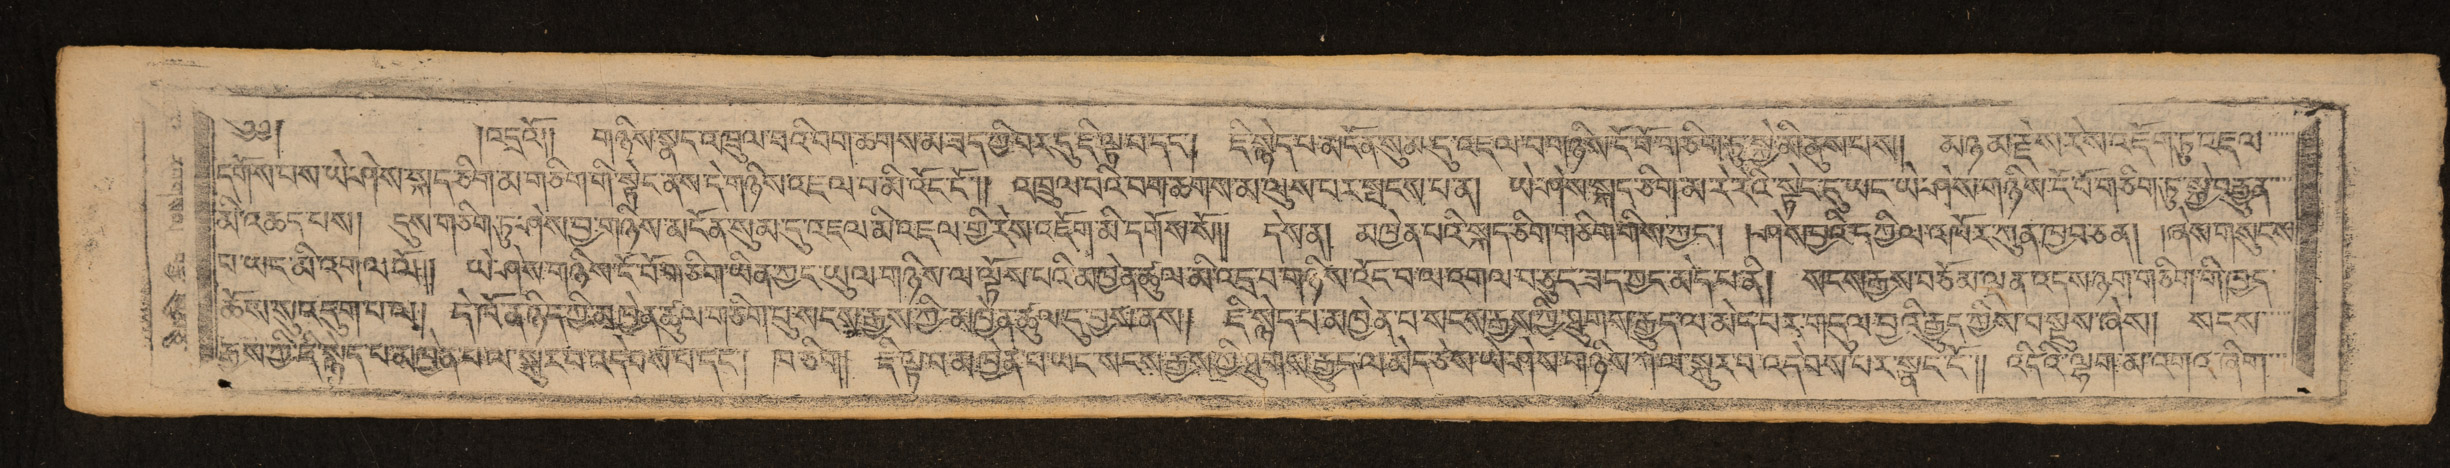༄༅། །འདྲའོ།། གཉིས་སྣང་འཁྲུལ་བའི་བག་ཆགས་མ་ཟད་ཀྱི་བར་དུ་ཇི་ལྟ་བ་དང་། ཇི་སྙེད་པ་མངོན་སུམ་དུ་འཇལ་བ་གཉིས་ངོ་བོ་གཅིག་ཏུ་སྐྱེ་མི་ནུས་པས། མཉམ་རྗེས་རེས་འཇོག་ཏུ་འཇལ་
དགོས་པས་ཡེ་ཤེས་སྐད་ཅིག་མ་གཅིག་གི་སྟེང་ནས་དེ་གཉིས་འཇལ་བ་མི་འོང་ངོ།། འཁྲུལ་པའི་བག་ཆགས་མ་ལུས་པ་སྤངས་པ་ན། ཡེ་ཤེས་སྐད་ཅིག་མ་རེ་རེའི་སྟེང་དུ་ཡང་ཡེ་ཤེས་གཉིས་ངོ་བོ་གཅིག་ཏུ་སྐྱེ་བ་རྒྱུན་
མི་ཆད་པས། དུས་གཅིག་ཏུ་ཤེས་བྱ་གཉིས་མངོན་སུམ་དུ་འཇལ་མི་འཇལ་གྱི་རེས་འཇོག་མི་དགོས་སོ།། དེས་ན། མཁྱེན་པའི་སྐད་ཅིག་གཅིག་གིས་ཀྱང་། །ཤེས་བྱའི་དཀྱིལ་འཁོར་ཀུན་ཁྱབ་ཅན། །ཞེས་གསུངས་
པ་ཡང་མི་འགལ་ལོ།། ཡེ་ཤེས་གཉིས་ངོ་བོ་གཅིག་ཡིན་ཀྱང་ཡུལ་གཉིས་ལ་ལྟོས་པའི་མཁྱེན་ཚུལ་མི་འདྲ་བ་གཉིས་འོང་བ་ལ་འགལ་བ་ཅུང་ཟད་ཀྱང་མེད་པ་ནི། སངས་རྒྱས་བཅོམ་ལྡན་འདས་ཉག་གཅིག་གི་ཁྱད་
ཆོས་སུ་འདུག་པ་ལ། དེ་ཁོ་ན་ཉིད་ཀྱི་མཁྱེན་ཚུལ་གཅིག་པུ་སངས་རྒྱས་ཀྱི་མཁྱེན་ཚུལ་དུ་བྱས་ནས། ཇི་སྙེད་པ་མཁྱེན་པ་སངས་རྒྱས་ཀྱི་ཐུགས་རྒྱུད་ལ་མེད་པར་གདུལ་བྱའི་རྒྱུད་ཀྱིས་བསྡུས་ཞེས། སངས་
རྒྱས་ཀྱི་ཇི་སྙེད་པ་མཁྱེན་པ་ལ་སྐུར་པ་འདེབས་པ་དང་། ཁ་ཅིག། ཇི་ལྟ་བ་མཁྱེན་པ་ཡང་སངས་རྒྱས་ཀྱི་ཐུགས་རྒྱུད་ལ་མེད་ཅེས་ཡེ་ཤེས་གཉིས་ཀ་ལ་སྐུར་བ་འདེབས་པར་སྣང་ངོ།། འདིའི་ལྷག་མ་འགའ་ཞིག་